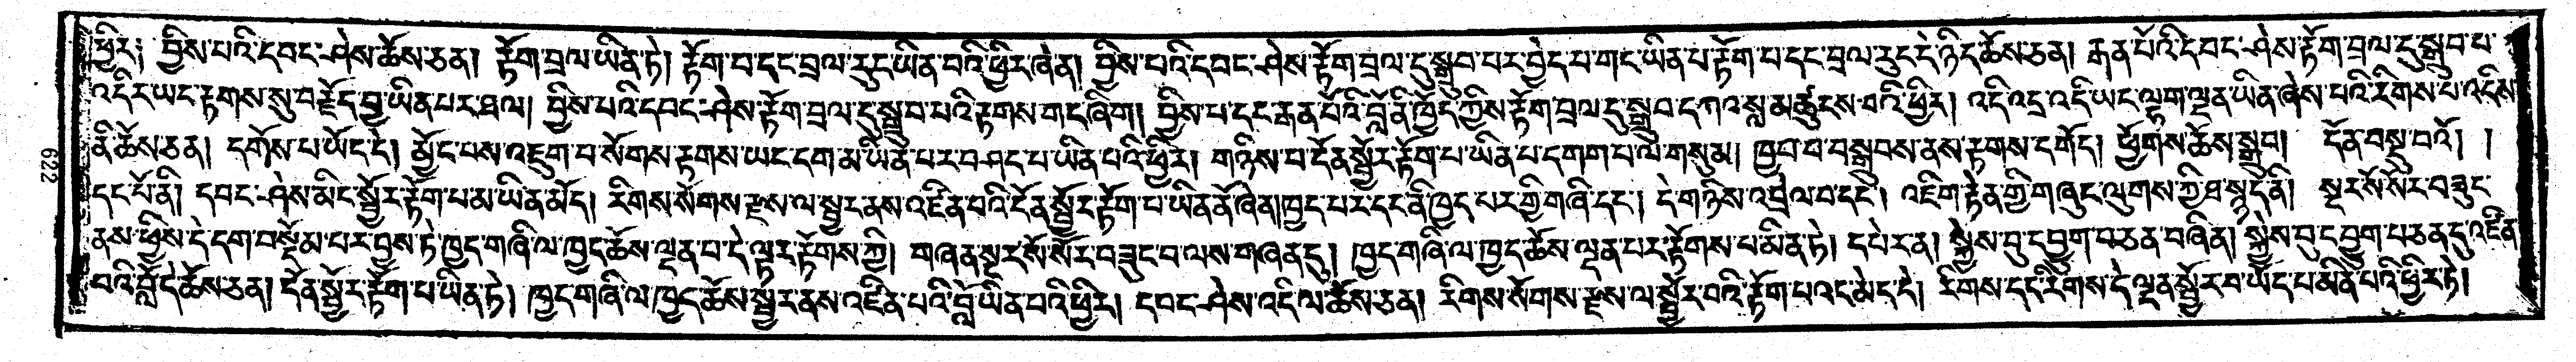ཕྱིར། བྱིས་པའི་དབང་ཤེས་ཆོས་ཅན། རྟོག་བྲལ་ཡིན་ཏེ། རྟོག་པ་དང་བྲལ་རུང་ཡིན་པའི་ཕྱིར་ཞེ་ན། བྱིས་པའི་དབང་ཤེས་རྟོག་བྲལ་དུ་སྒྲུབ་པར་བྱེད་པ་གང་ཡིན་པ་རྟོག་པ་དང་བྲལ་རུང་དེ་ཉིད་ཆོས་ཅན། རྒན་པོའི་དབང་ཤེས་རྟོག་བྲལ་དུ་སྒྲུབ་པ་
འདིར་ཡང་རྟགས་སུ་བརྗོད་བྱ་ཡིན་པར་ཐལ། བྱིས་པའི་དབང་ཤེས་རྟོག་བྲལ་དུ་སྒྲུབ་པའི་རྟགས་གང་ཞིག། བྱིས་པ་དང་རྒན་པོའི་བློ་ནི་ཁྱོད་ཀྱིས་རྟོག་བྲལ་དུ་སྒྲུབ་དཀའ་སླ་མཚུངས་པའི་ཕྱིར། འདི་འདྲ་འདི་ཡང་ལྷག་ལྡན་ཡིན་ཞེས་པའི་རིགས་པ་འདིས་
ནི་ཆོས་ཅན། དགོས་པ་ཡོད་དེ། མྱོང་བས་འཇུག་པ་སོགས་རྟགས་ཡང་དག་མ་ཡིན་པར་བཤད་པ་ཡིན་པའི་ཕྱིར། གཉིས་པ་དོན་སྦྱོར་རྟོག་པ་ཡིན་པ་དགག་པ་ལ་གསུམ། ཁྱབ་པ་བསྒྲུབས་ནས་རྟགས་དགོད། ཕྱོགས་ཆོས་སྒྲུབ། དོན་བསྡུ་བའོ། །
དང་པོ་ནི། དབང་ཤེས་མིང་སྦྱོར་རྟོག་པ་མ་ཡིན་མོད། རིགས་སོགས་རྫས་ལ་སྦྱར་ནས་འཛིན་པའི་དོན་སྦྱོར་རྟོག་པ་ཡིན་ནོ་ཞེ་ན། ཁྱད་པར་དང་ནི་ཁྱད་པར་གྱི་གཞི་དང་། དེ་གཉིས་འབྲེལ་བ་དང་། འཇིག་རྟེན་གྱི་གཞུང་ལུགས་ཀྱི་ཐ་སྙད་ནི། སྔར་སོ་སོར་བཟུང་
ནས་ཕྱིས་དེ་དག་བསྡོམ་པར་བྱས་ཏེ་ཁྱད་གཞི་ལ་ཁྱད་ཆོས་ལྡན་པ་དེ་ལྟར་རྟོགས་ཀྱི། གཞན་སྔར་སོ་སོར་བཟུང་བ་ལས་གཞན་དུ། ཁྱད་གཞི་ལ་ཁྱད་ཆོས་ལྡན་པར་རྟོགས་པ་མིན་ཏེ། དཔེར་ན། སྐྱེས་བུ་དབྱུག་པ་ཅན་བཞིན། སྐྱེས་བུ་དབྱུག་པ་ཅན་དུ་འཛིན་
བའི་བློ་དེ་ཆོས་ཅན། དོན་སྦྱོར་རྟོག་པ་ཡིན་ཏེ། ཁྱད་གཞི་ལ་ཁྱད་ཆོས་སྦྱར་ནས་འཛིན་པའི་བློ་ཡིན་པའི་ཕྱིར། དབང་ཤེས་འདི་ལ་ཆོས་ཅན། རིགས་སོགས་རྫས་ལ་སྦྱོར་བའི་རྟོག་པའང་མེད་དེ། རིགས་དང་རིགས་དེ་ལྔན་སྦྱོར་བ་ཡོད་པ་མིན་པའི་ཕྱིར་ཏེ།